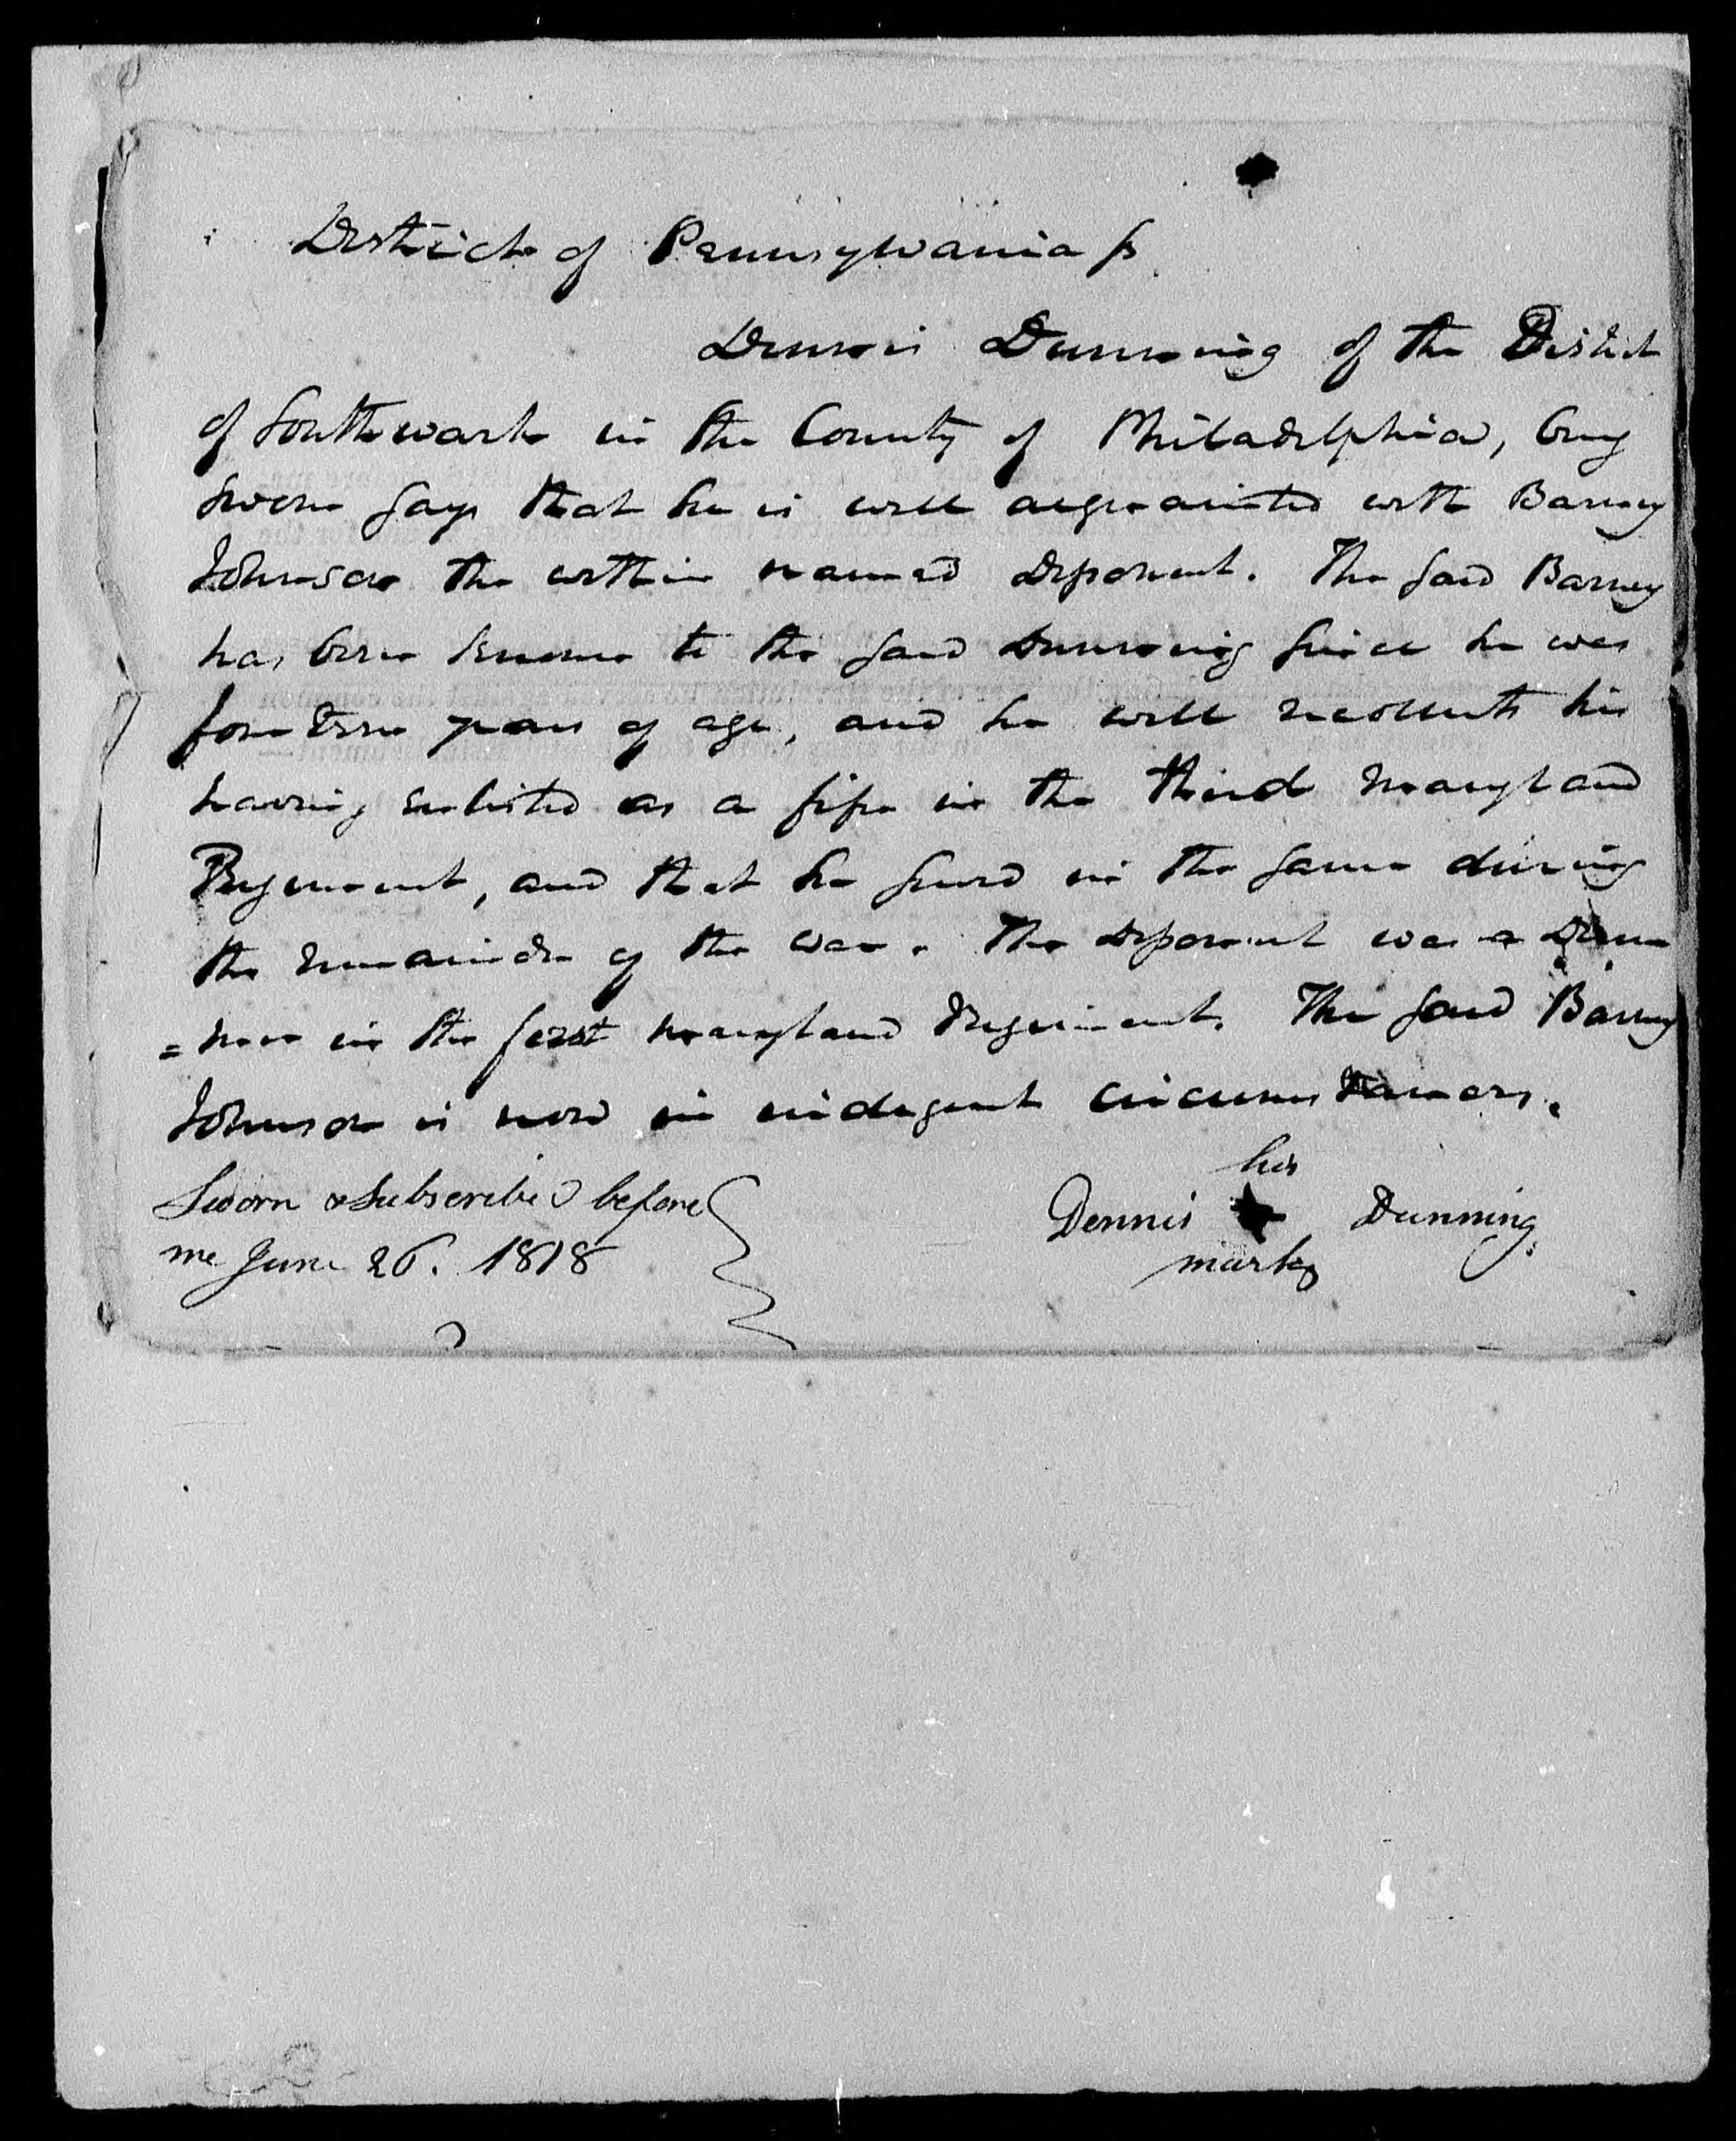District of Pennsylvania  ss

Dennis Dunning of the District of Southwark in the County of Philadelphia, duly Sworn Says that he is well acquainted with Barney Johnson the within named Deponent.  The said Barney has been known to the said Dunning Since he was fourteen years of age, and he well recollects his having enlisted as a fifer in the third Maryland Regiment, and that he served in the same during the remainder of the war.  The Deponent was a Drummer in the first Maryland Regiment.  The said Barney Johnson is now in indigent circumstances.
              his
Dennis   X   Dunning
            mark

Sworn & Subscribed before me June 26, 1818
[words cut off]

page: 6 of 11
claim: survivor's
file: S. 39,783, for Barny Johnson, Maryland